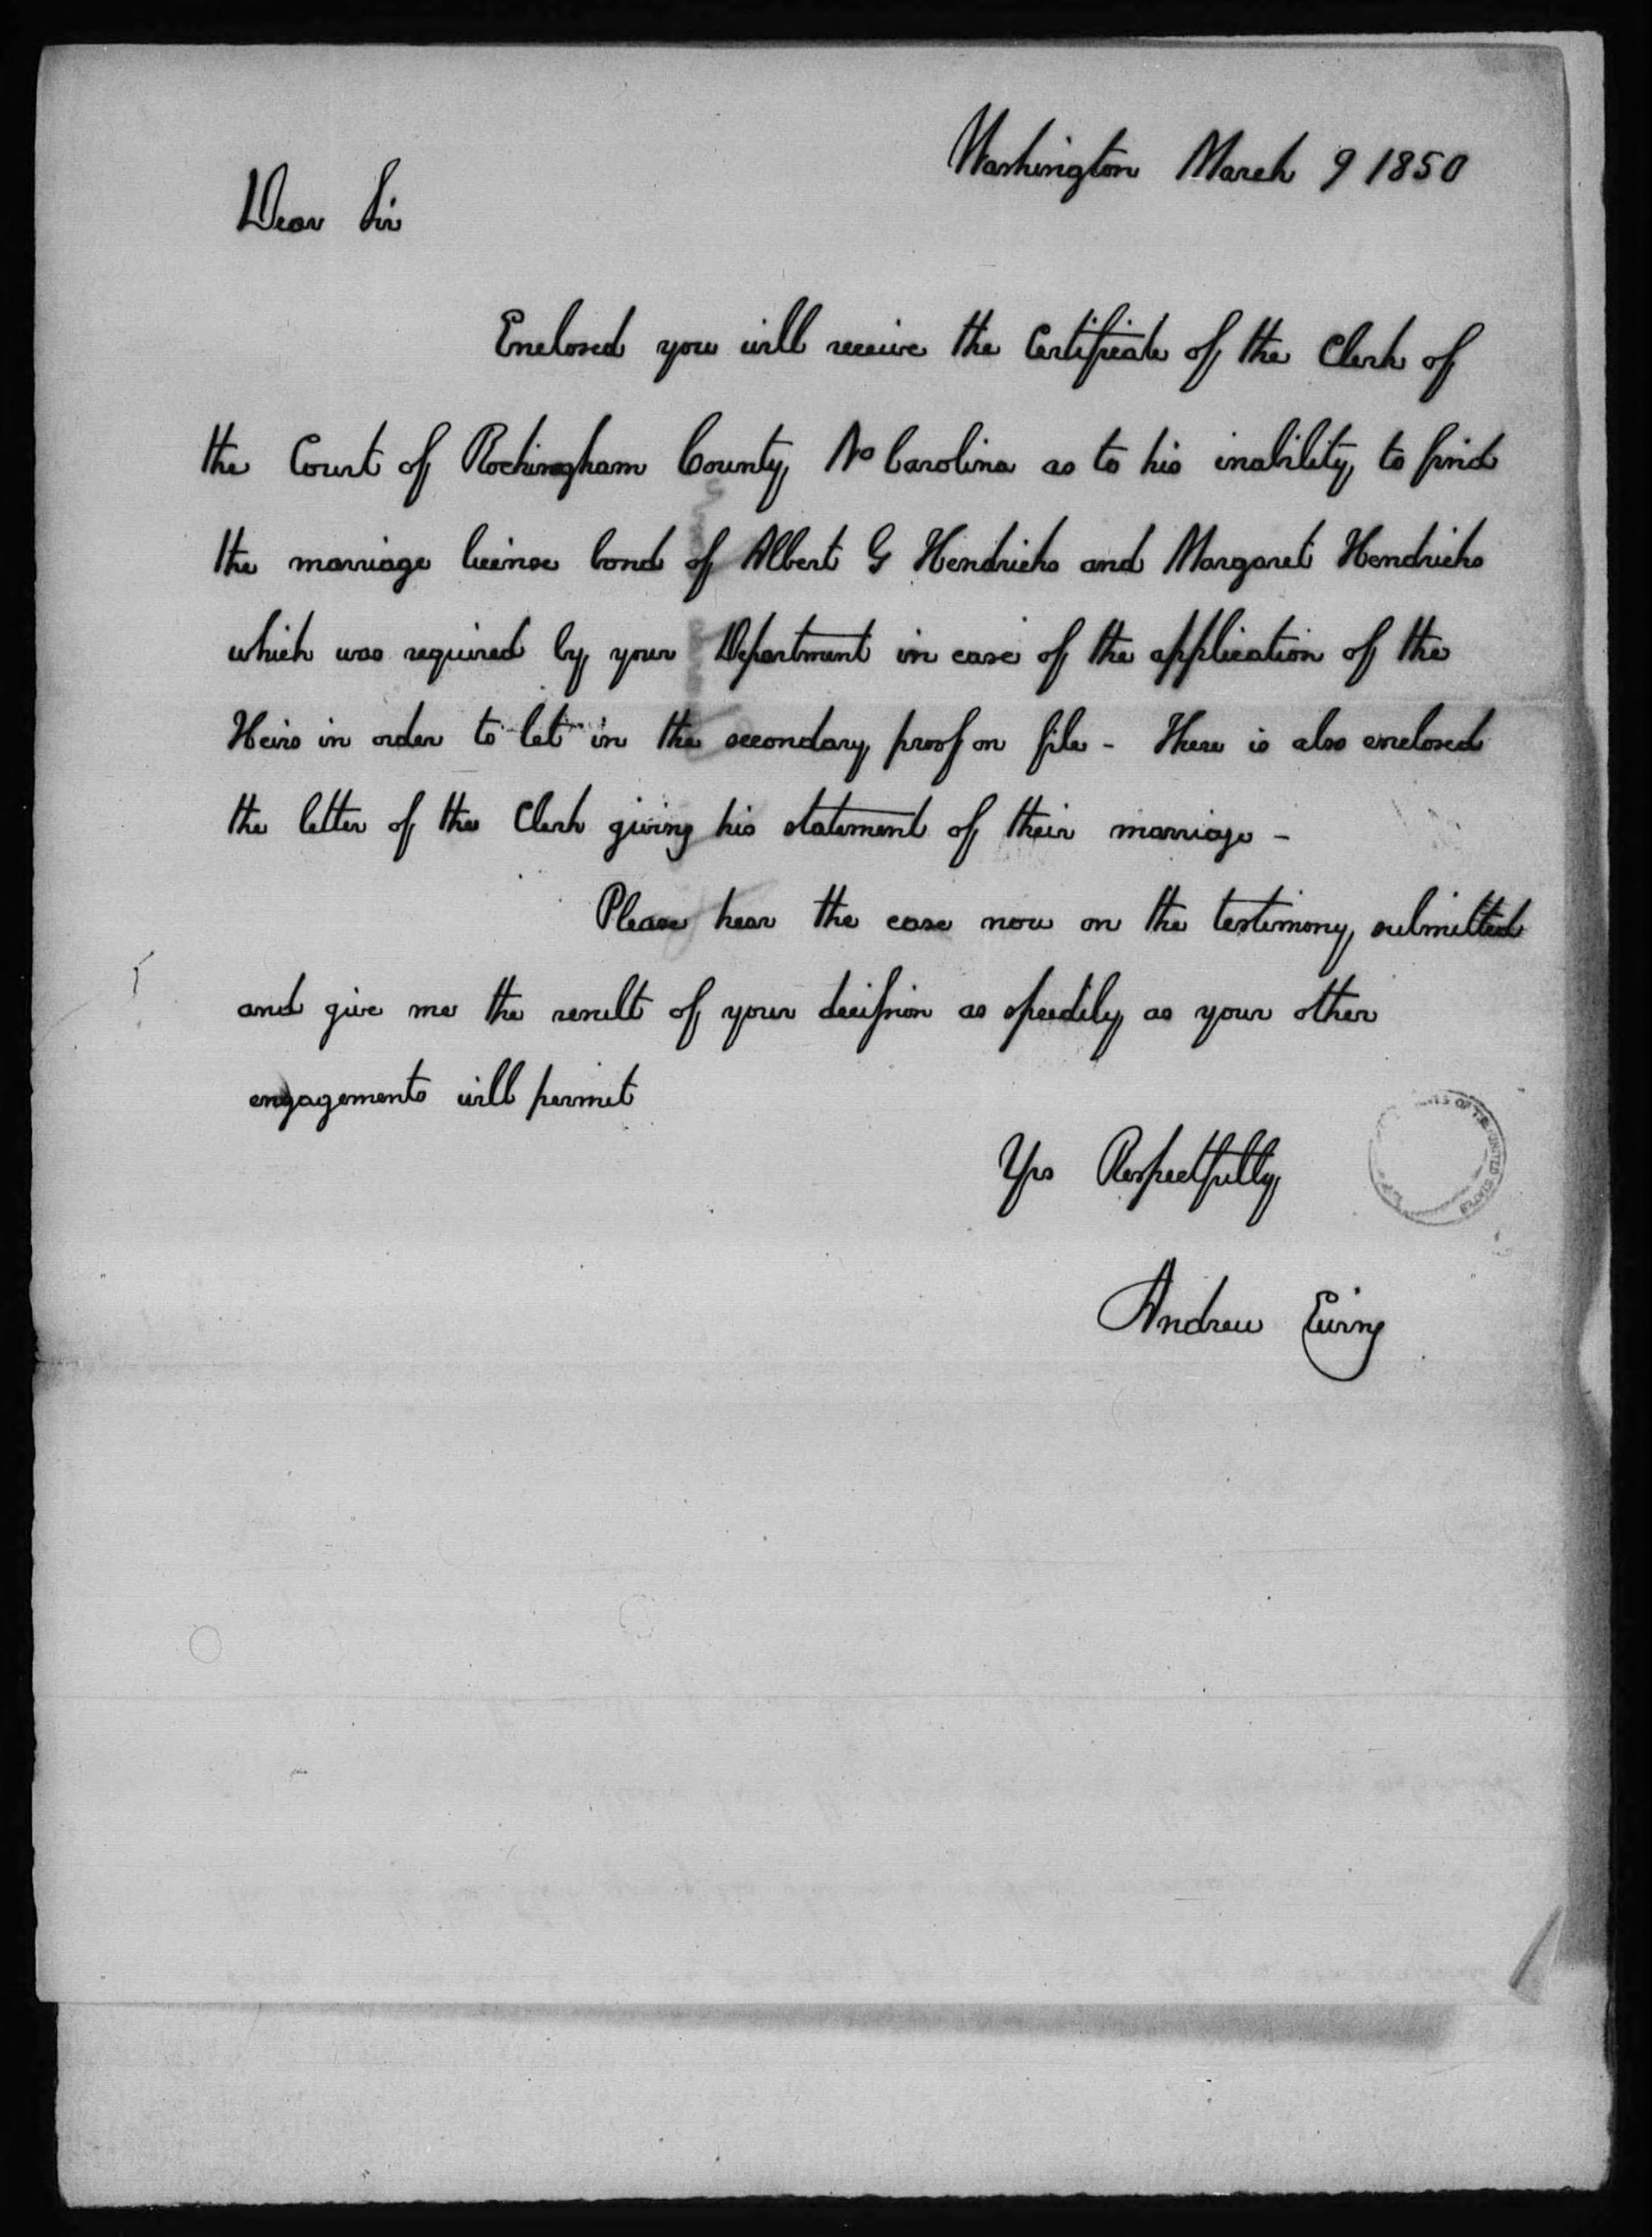Washington March 9 1850

Dear Sir

Enclosed you will receive the Certificate of the Clerk of 
the Court of Rockingham County No Carolina as to his inability to find 
the marriage license bonds of Albert G Hendrick and Margaret Hendricks 
which was required by your Department in case of the application of the 
heirs in order to let in the secondary proof on file.  There is also enclosed 
the letter of the Clerk giving his statement of their marriage.

Please hear the case now on the testimony submitted 
and give me the result of your decision as speedily as your other 
engagements will permit

Yrs Respectfully 
[Circular stamp National Archives]
THE NATIONAL ARCHIVES OF THE UNITED STATES 

Andrew Ewing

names: Andrew Ewing, Albert G Hendricks, Margaret Hendricks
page: 59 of 76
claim: widow's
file: W. 83, Albert Hendricks, Continental Md. N.C.